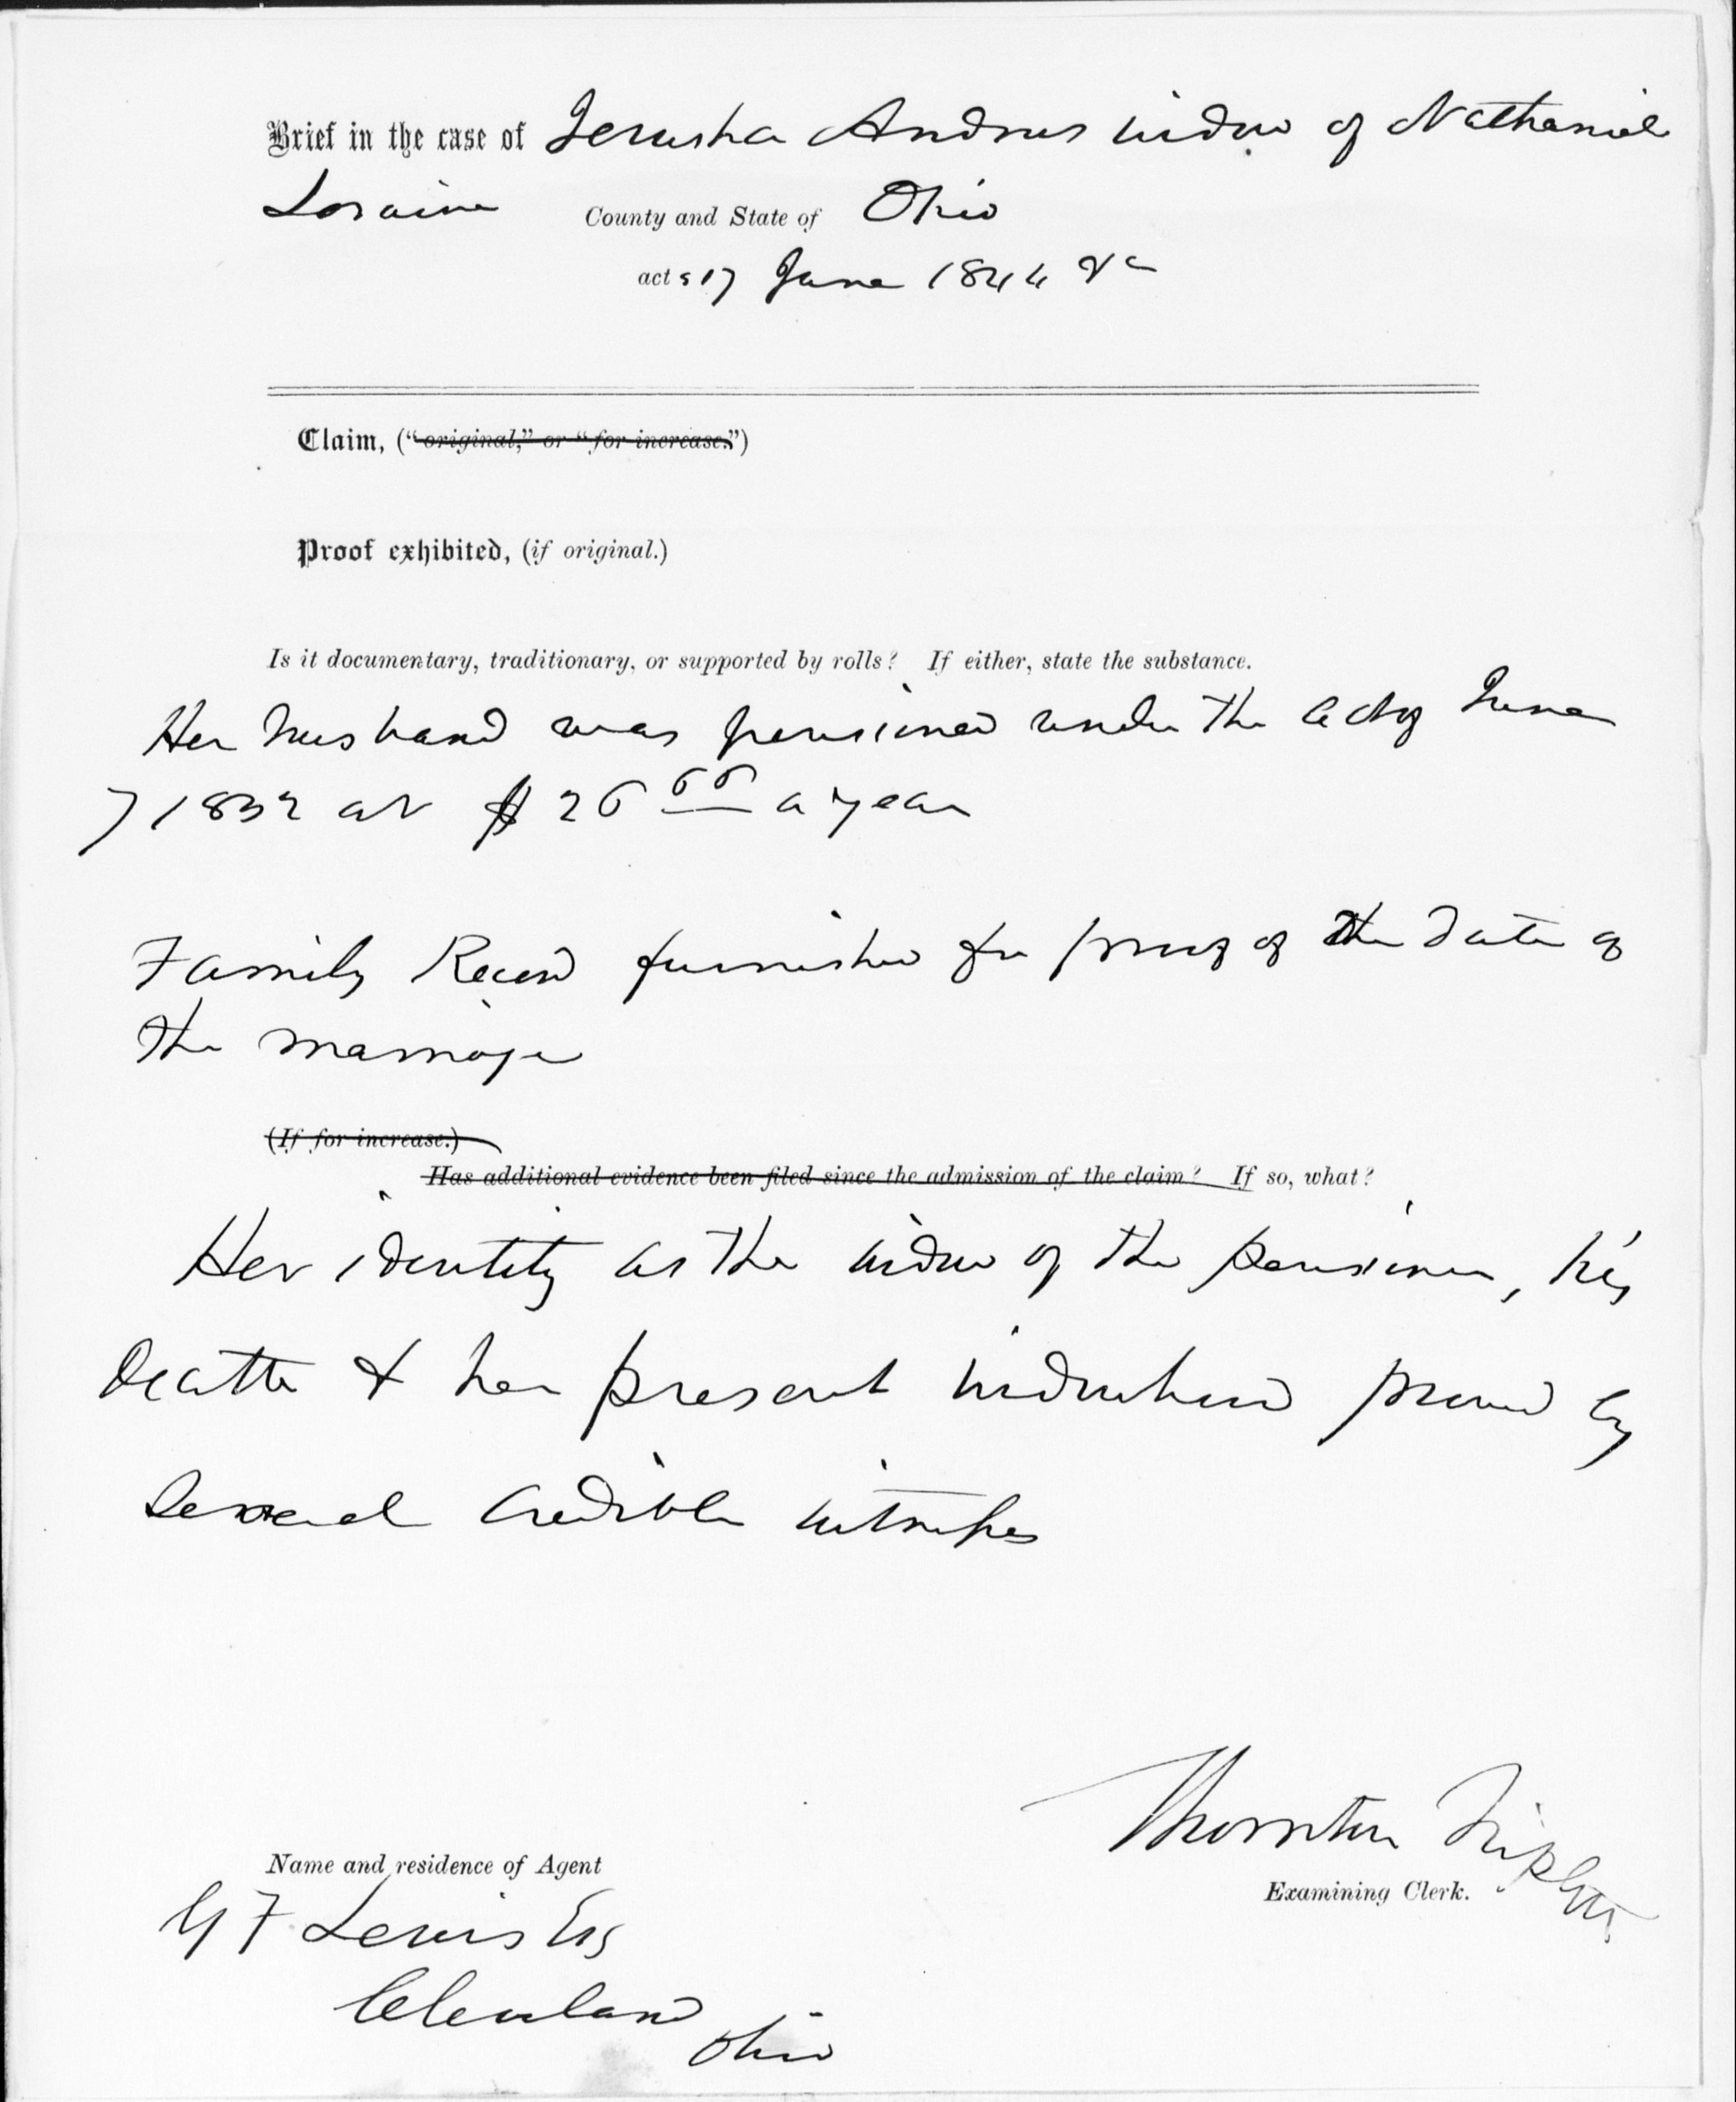Brief in the case of Jerusha Andrews widow of Nathaniel
Lorain County and State of Ohio
act 17 June 1844
Claim, 
Proof exhibited, (if original.)
Is it documentary, traditionary, or supported by rolls? If either, state the substance.
Her husband was pensioner under the Act June
7 1832 at $26.66 a year
Family Record furnished for proof of the date of
the marriage
If so, what?
her identity is the widow of the pensioner, his
death & her present [illegible] when proved by
several credible witnesses
Name and residence of Agent
G F Lewis Esq
Cleveland
Ohio
Thornton Niplin
Examining Clerk.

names: Nathaniel, Thornton Niplin, Jerusha Andrus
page: 55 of 78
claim: widow's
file: W. 4117, Nathaniel Bradley, Conn.